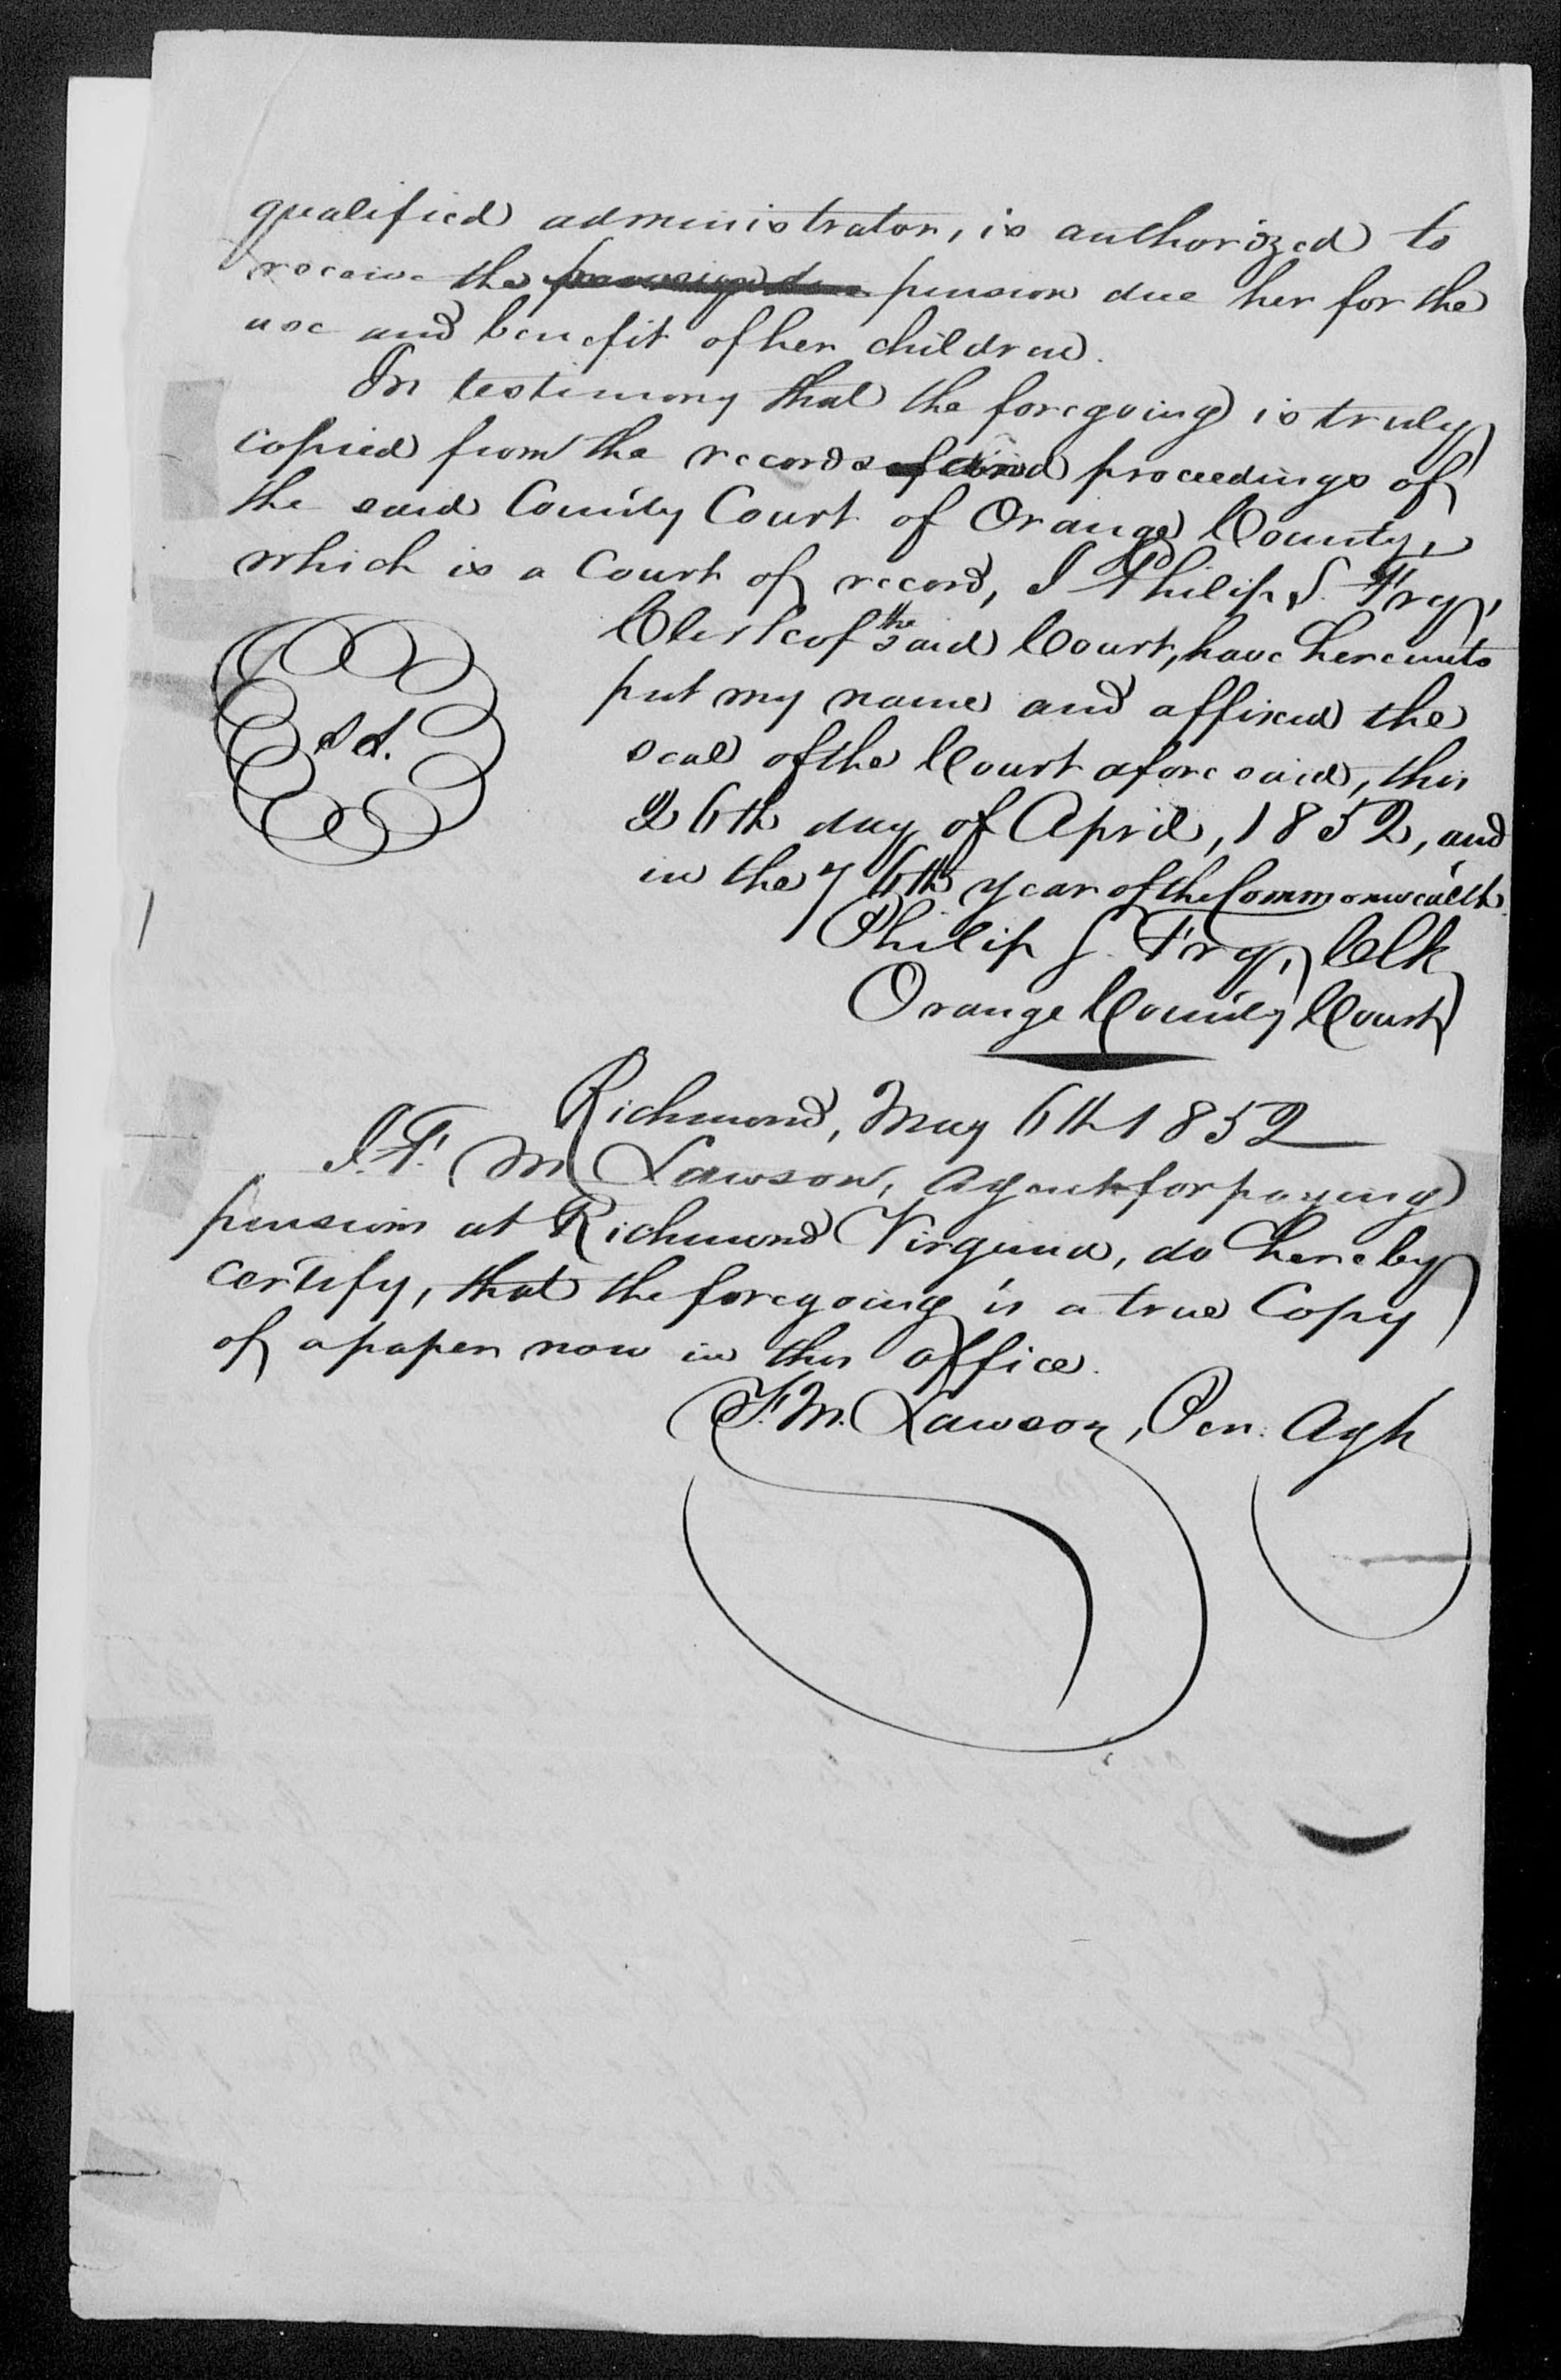qualified administrator, is authorized to receive the [crossed out words illegible] pension due her for the use and benefit of her children.
In testimony that the foregoing is truly copied from the record &[and] for said proceedings of the said County court of Orange County, which is a Court of record, I Philip S. Fry, Clerk of said Court, have hereunto put my name and affixed the seal of the Court aforementioned, this 26th day of April, 1852, and in the 76th year of the Commonwealth.
Philip S. Fry, Clk
Orange County Court

[on left side of page there is a circle of inward facing loops with the letters SL. written in center of circle]

Richmond, May 6th 1852
I F. M Lawson, Agent for paying pensions at Richmond Virginia, do hereby certify, that the foregoing is a true Copy of a paper now in this office.
F.M. Lawson, Pen. Agt.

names: Philip S Fry, F M Lawson, F M Lawson, Philip S Fry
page: 78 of 267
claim: widow's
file: W. 4,149, William Campbell, Va.